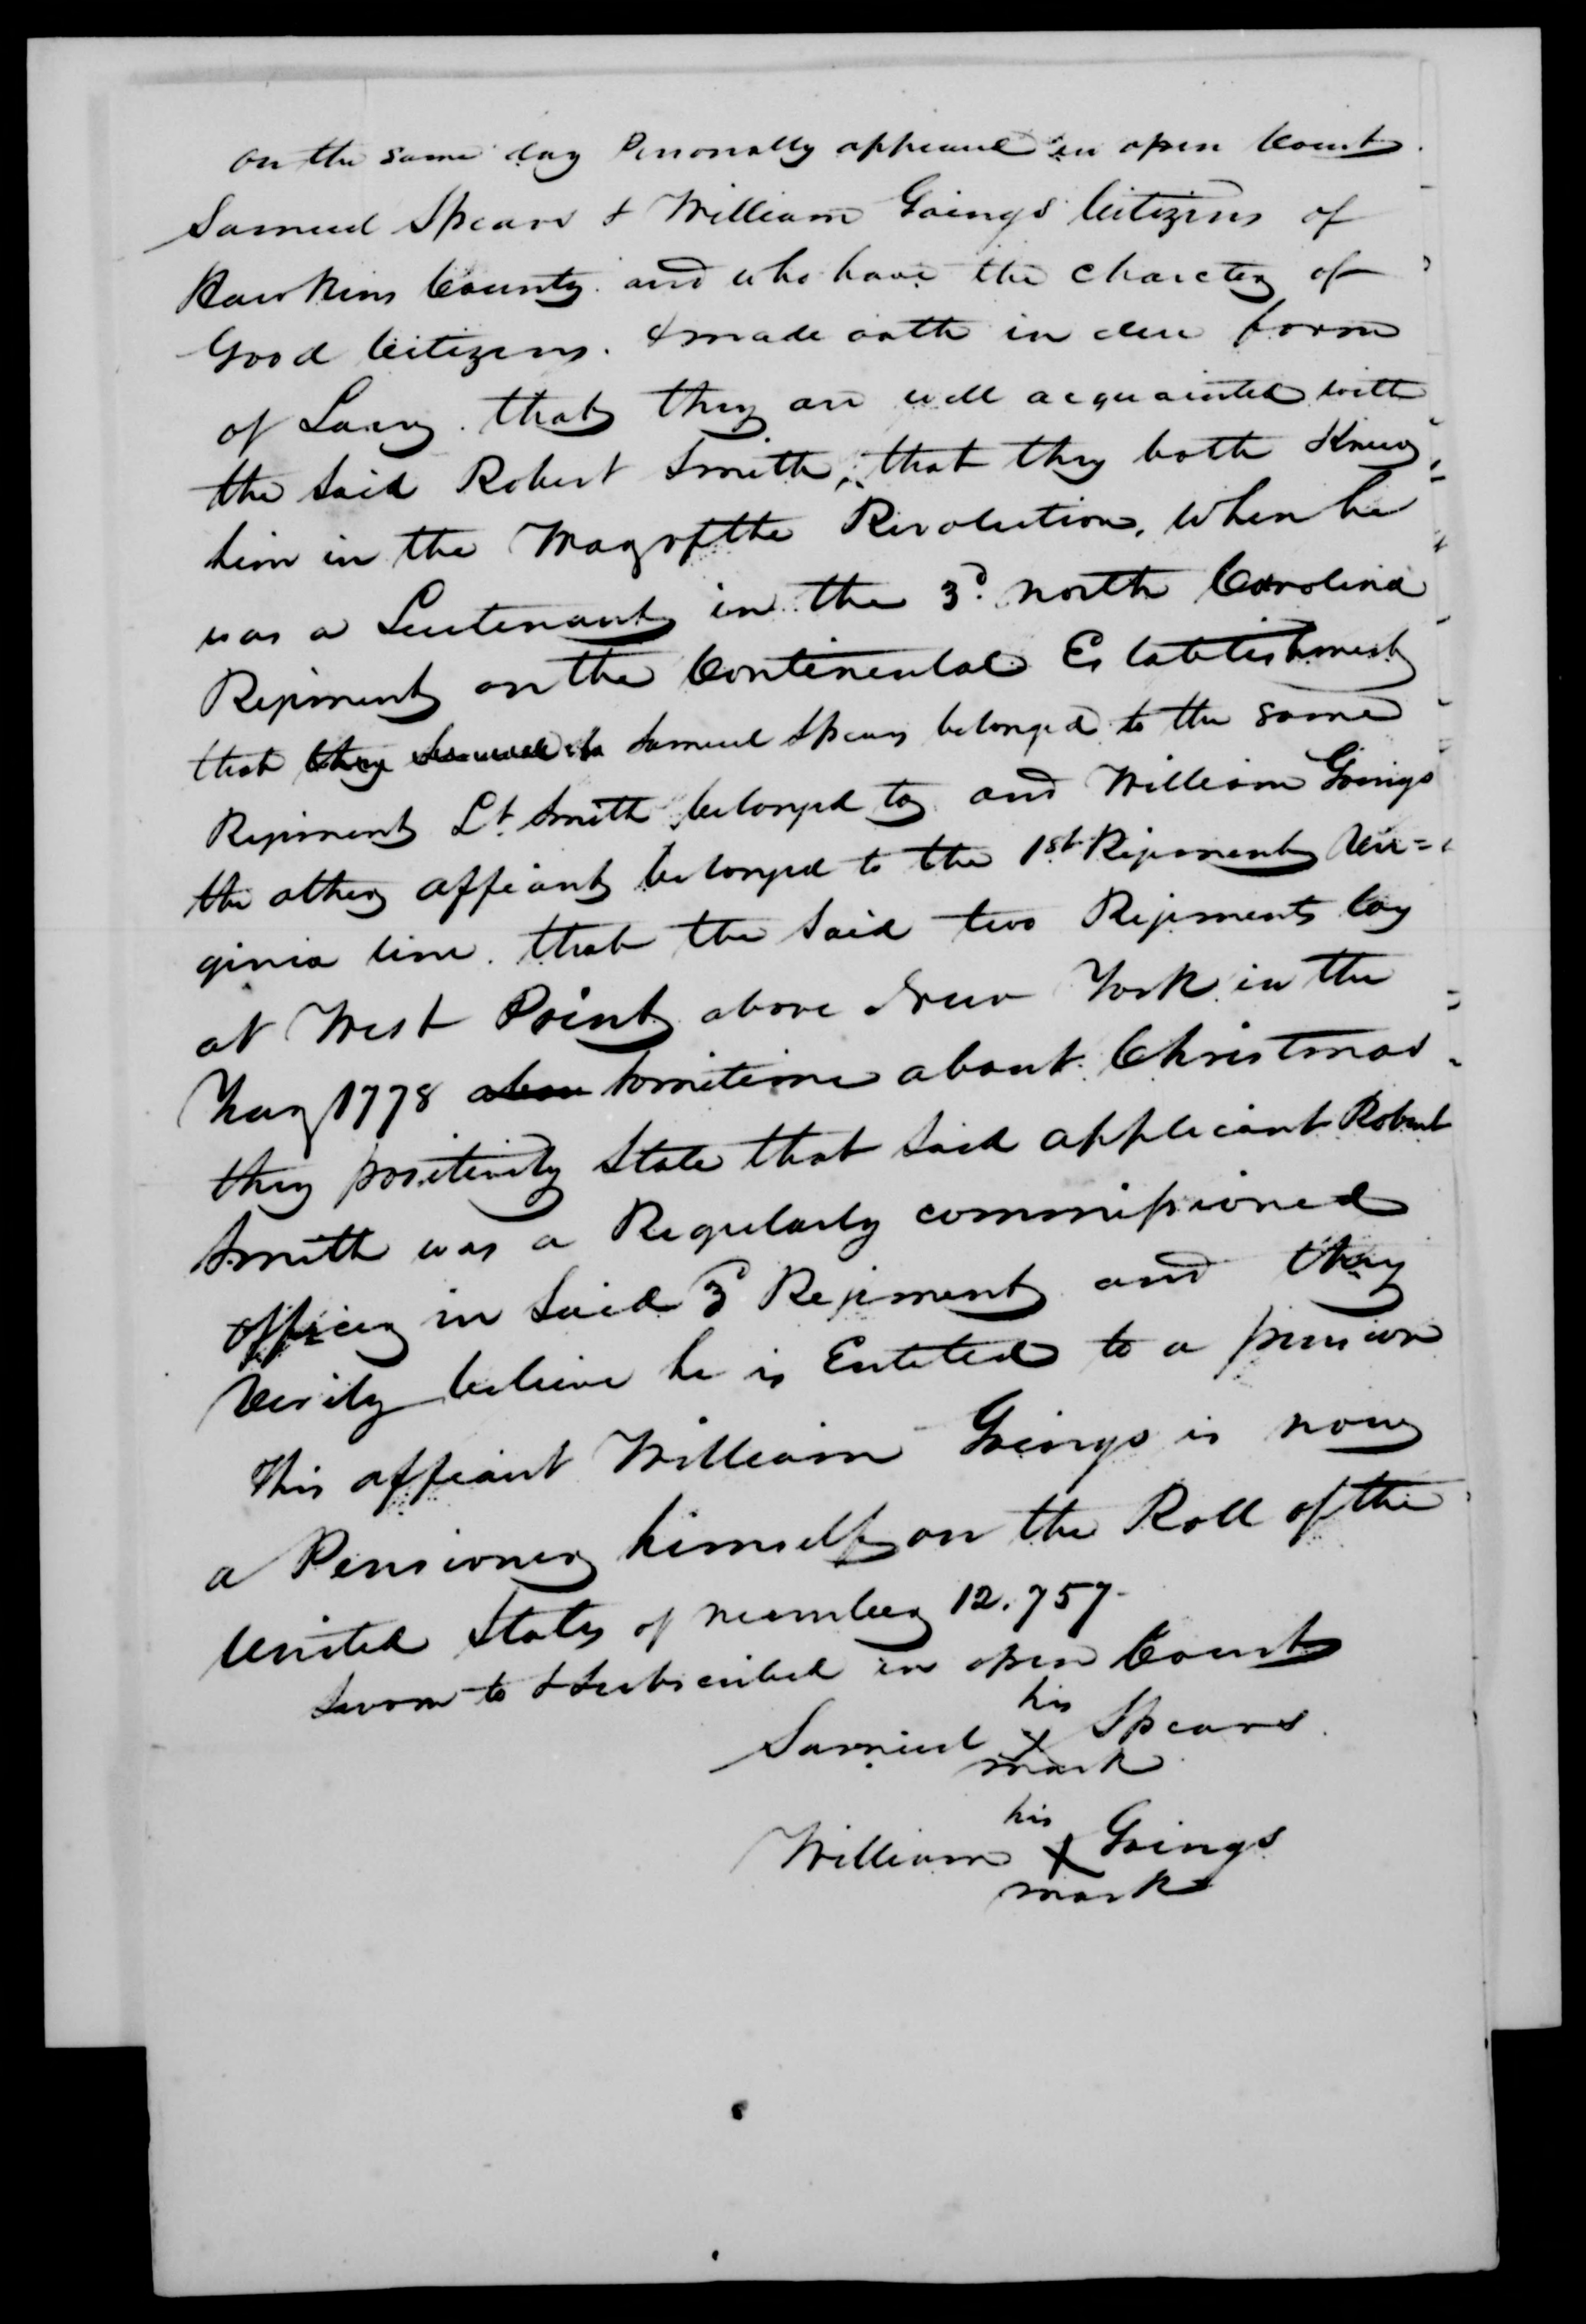on the same day personally appeared in open court Samuel Spears & William Goings citizens of Hawkins County and who have the character of good citizens & made oath in due form of Law that they are well acquainted with the said Robert Smith that they both knew him in the Mar of the Revolution when he was a Lieutenant in the 3d North Carolina Regiment on the continental establishment that they [illegible] Samuel Spears belonged to the same regiment Lt Smith belonged to and William Goings the other affiant belonged to the 1st Regiment Virginia line that the said two regiments lay at N West Point above New York in the Year 1778 sometime about Christmas they positively state that said applicant Robert Smith was a regularly commissioned officer in said3d regiment and they verily believe he is entitled to a pension this affiant William Goings is now a pensioner himself on the roll of the United States of number 12.757
Sworn to & subscribed in open court
Samuel his X mark Spears
William his X mark Goings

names: Samuel Spears; William Goings; [BLANK] Smith; Samuel Spears; William Grings; Robert Smith; Samuel Spears; Robert Smith; William Grings; William Goings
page: 18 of 79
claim: widow's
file: W. 1504, for Robert Smith, North Carolina